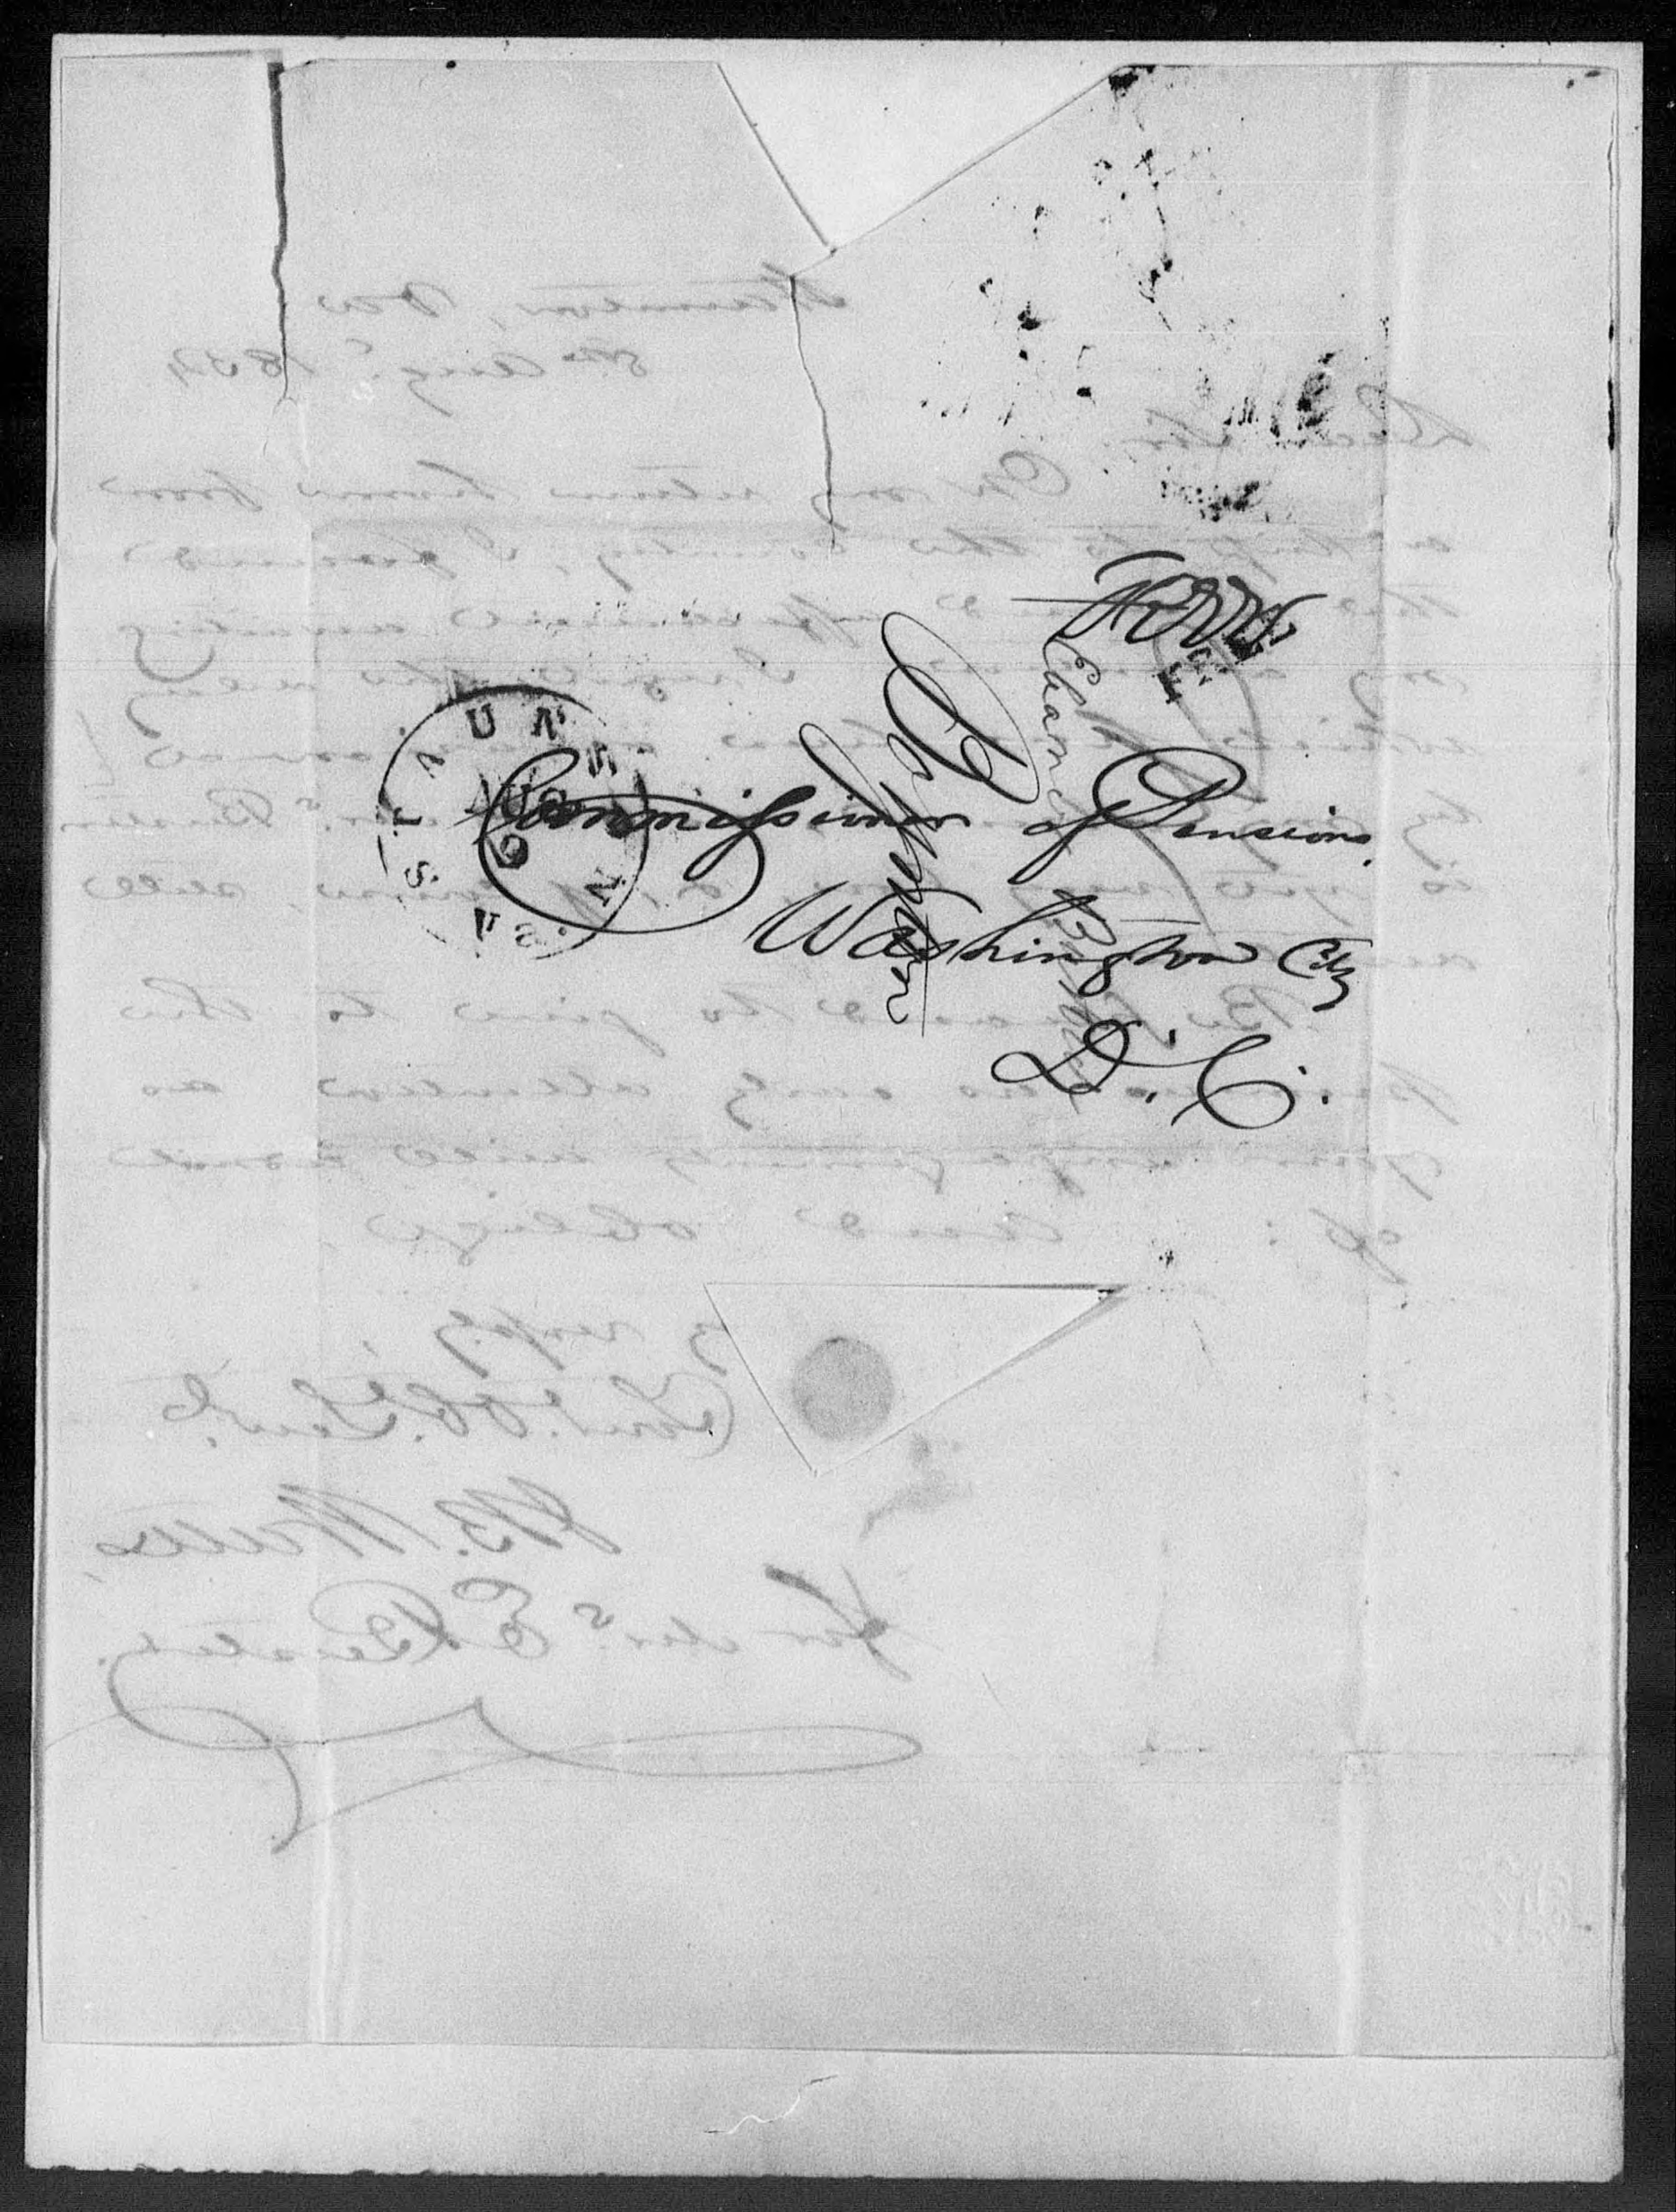FREE [ink stamp]

Commissioner of Pensions.
Washington City
D. C.

Eleanor Buster
Boynton


STAUNTON Va. 
AUG 9 [ink stamp]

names: Boynton, Eleanor Buster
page: 29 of 71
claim: widow's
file: W. 25310, Claudius Buster, Va.